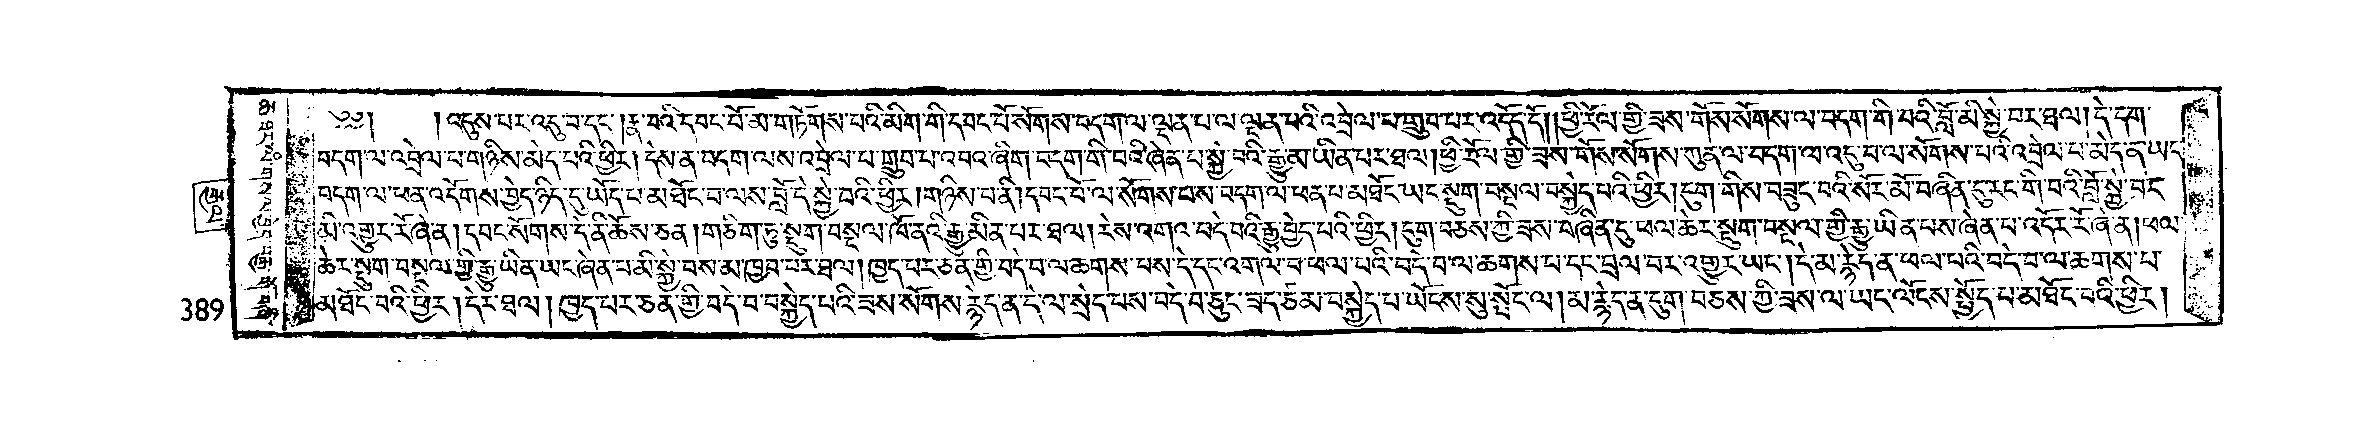༄༅། །འདུས་པར་འདུ་བ་དང་། རྣ་བའི་དབང་པོ་མ་གཏོགས་པའི་མིག་གི་དབང་པོ་སོགས་བདག་ལ་ལྡན་པ་ལ་ལྡན་པའི་འབྲེལ་པ་གྲུབ་པར་འདོད་དོ། །ཕྱི་རོལ་གྱི་ཟས་གོས་སོགས་ལ་བདག་གི་བའི་བློ་མི་སྐྱེ་བར་ཐལ། དེ་དག་
བདག་ལ་འབྲེལ་པ་གཉིས་མེད་པའི་ཕྱིར། དེས་ན་བདག་ལས་འབྲེལ་པ་གྲུབ་པ་འབའ་ཞིག་བདག་གི་བའི་ཞེན་པ་སྐྱེ་བའི་རྒྱུ་མ་ཡིན་པར་ཐལ། ཕྱི་རོལ་གྱི་ཟས་གོས་སོགས་ཀུན་ལ་བདག་ལ་འདུ་བ་ལ་སོགས་པའི་འབྲེལ་པ་མེད་ན་ཡང་
བདག་ལ་ཕན་འདོགས་བྱེད་ཉིད་དུ་ཡོད་པ་མཐོང་བ་ལས་བློ་དེ་སྐྱེ་བའི་ཕྱིར། གཉིས་པ་ནི། དབང་པོ་ལ་སོགས་པས་བདག་ལ་ཕན་པ་མཐོང་ཡང་སྡུག་བསྔལ་བསྐྱེད་པའི་ཕྱིར། དུག་གིས་བཟུང་བའི་སོར་མོ་བཞིན་དུ་རང་གི་བའི་བློ་སྐྱེ་བར་
མི་འགྱུར་རོ་ཞེ་ན། དབང་སོགས་དེ་ནི་ཆོས་ཅན། གཅིག་ཏུ་སྡུག་བསྔལ་ཁོ་ནའི་རྒྱུ་མིན་པར་ཐལ། རེས་འགའ་བདེ་བའི་རྒྱུ་བྱེད་པའི་ཕྱིར། དུག་བཅས་ཀྱི་ཟས་བཞིན་དུ་ཕལ་ཆེར་སྡུག་བསྔལ་གྱི་རྒྱུ་ཡིན་པས་ཞེན་པ་འདོར་རོ་ཞེ་ན། ཕལ་
ཆེར་སྡུག་བསྔལ་གྱི་རྒྱུ་མིན་ཡང་ཞེན་པ་མི་སྐྱེ་བས་མ་ཁྱབ་པར་ཐལ། ཁྱད་པར་ཅན་གྱི་བདེ་བ་ལ་ཆགས་པས་དེ་དང་འགལ་བ་ཕལ་པའི་བདེ་བ་ལ་ཆགས་པ་དང་བྲལ་བར་འགྱུར་ཡང་། དེ་མ་རྙེད་ན་ཕལ་པའི་བདེ་བ་ལ་ཆགས་པ་
མཐོང་བའི་ཕྱིར། དེར་ཐལ། ཁྱད་པར་ཅན་གྱི་བདེ་བ་བསྐྱེད་པའི་ཟས་སོགས་རྙེད་ན་དེ་ལ་སྲེད་པས་བདེ་བ་ཅུང་ཟད་ཙམ་བསྐྱེད་པ་ཡོངས་སུ་སྤོང་ལ། མ་རྙེད་ན་དུག་བཅས་ཀྱི་ཟས་ལ་ཡང་ལོངས་སྤྱོད་པ་མཐོང་བའི་ཕྱིར།